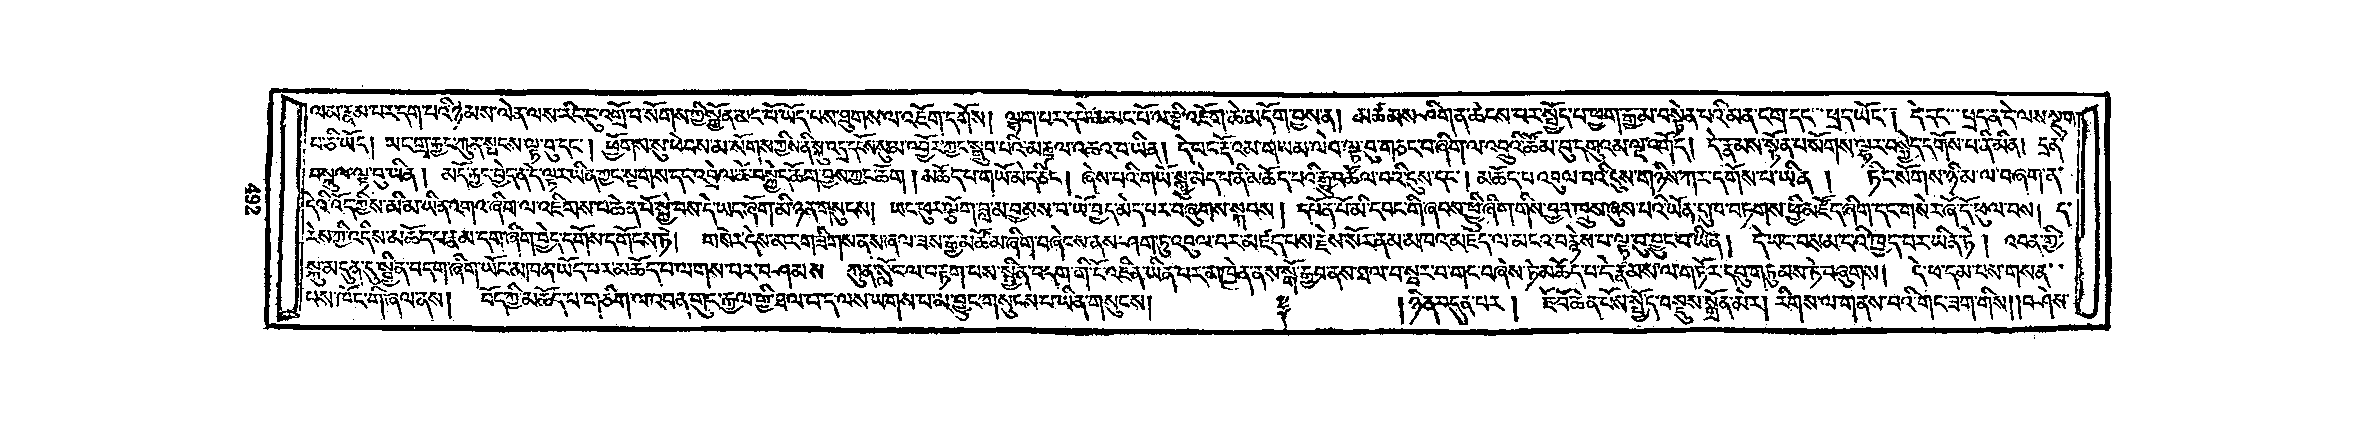ལམ་རྣམ་པར་དག་པའི་ཉམས་ལེན་ལས་རིང་དུ་འགྲོ་བ་སོགས་ཀྱི་སྐྱོན་མང་པོ་ཡོད་པས་ཐུགས་ལ་འཇོག་དགོས། ལྷག་པར་དཔེ་ཆ་མང་པོ་ལ་རྩི་འཇོག་ཆེ་མདོག་བྱས་ན། མཚམས་ཤིག་ན་ཚངས་པར་སྤྱོད་པ་ཕྱག་རྒྱ་མ་བསྟེན་པའི་མན་ངག་དང་ཕྲད་ཡོང་། དེ་དང་ཕྲད་ན་དེ་ལས་སྡུག་
པ་ཅི་ཡོད། ཡང་གྲྭ་རྐྱང་ཀུན་སྤངས་ལྟ་བུ་དང་། ཕྱོགས་སུ་ཕེབས་མ་སོགས་ཀྱིས་ནི་སྐུ་འདྲ་དངོས་སུ་མ་འབྱོར་ཀྱང་སྒྲུབ་པའི་མཎྜལ་འཆའ་བ་ཡིན། དེ་ཡང་རྡོ་འམ་གཡམ་ལེབ་ལྟ་བུ་གཅང་བ་ཞིག་ལ་འབྲུའི་ཚོམ་བུ་དགུ་འམ་ལྔ་འགོད། དེ་རྣམས་སྟོན་པ་སོགས་ལྷར་བསྐྱེད་དགོས་པ་ནི་མིན། དྲན་
བསྐུལ་ལྟ་བུ་ཡིན། མདོ་རྐྱང་བྱེད་ན་དེ་ལྟར་ཡིན་ཀྱང་སྔགས་དང་འབྲེལ་ཚེ་བསྐྱེད་ཆོག་བྱས་ཀྱང་ཆོག། མཆོད་པ་གཡོ་མེད་ཅིང་། ཞེས་པའི་གཡོ་སྒྱུ་མེད་པ་ནི་མཆོད་པའི་རྒྱུ་འཚོལ་བའི་དུས་དང་། མཆོད་པ་འབུལ་བའི་དུས་གཉིས་ཀར་དགོས་པ་ཡིན། ཏིང་སོགས་ཉི་མ་ལ་བཞག་ན་
དེའི་འོད་ཀྱིས་མི་མ་ཡིན་འགའ་ཞིག་ལ་འཇིགས་པ་ཆེན་པོ་སྐྱེ་བས་དེ་ཡང་ཞོག་མི་ཉན་གསུངས། ཡང་ཕུར་ལྕོག་བླ་མ་བྱམས་པ་ཡོ་བྱད་མེད་པར་བཞུགས་སྐབས། དཔོན་པོ་མི་དབང་གི་ཞབས་ཕྱི་ཞིག་གིས་བྱ་བ་ཁྲུས་ཞུས་པའི་ཡོན་དུ་ཁ་བཏགས་ཕྱི་མཛོད་ཞིག་དང་གསེར་ཞོ་དོ་ཕུལ་བས། ད་
རེས་ཀྱི་འདིས་མཆོད་པ་རྣམ་དག་ཞིག་བྱེད་དགོས་དགོངས་ཏེ། གསེར་དེས་མར་གཟིགས་ནས་ཞལ་ཟས་རྒྱ་མཚོ་མ་ཞིག་བཞེངས་ནས་ཤག་ཏུ་འབུལ་བར་མཛད་པས་རྗེས་སོར་ནམ་མཁའ་མཛོད་ལ་མངའ་བརྙེས་པ་ལྟ་བུ་བྱུང་བ་ཡིན། དེ་ཡང་བསམ་པའི་ཁྱད་པར་ཡིན་ཏེ། འབན་གྱི་
སྐུ་མདུན་དུ་སྦྱིན་བདག་ཞིག་ཡོང་མཁན་ཡོད་པར་མཆོད་པ་ལགས་པར་བཤམས་ཀུན་སློང་ལ་བརྟག་པས་སྦྱིན་བདག་གི་ངོ་འཛིན་ཡིན་པར་མཁྱེན་ནས་སྒོ་རྒྱབ་ནས་ཐལ་བ་སྦར་བ་གང་བཞེས་ཏེ་མཆོད་པ་དེ་རྣམས་ལ་གཏོར་དབུ་གཏུམས་ཏེ་བཞུགས། དེ་ཕ་དམ་པས་གསན་
པས་ཁོང་གི་ཞལ་ནས། བོད་ཀྱི་མཆོད་པ་གཅིག་ལ་འབན་གུང་རྒྱལ་གྱི་ཐལ་བ་ད་ལས་ཡགས་པ་མ་བྱུང་གསུངས་པ་ཡིན་གསུངས། ༈ །ཉིན་བདུན་པར། ཇོ་བོ་ཆེན་པོས་སྤྱོད་བསྡུས་སྒྲོན་མེར། རིགས་ལ་གནས་པའི་གང་ཟག་གིས། །བཤེས་